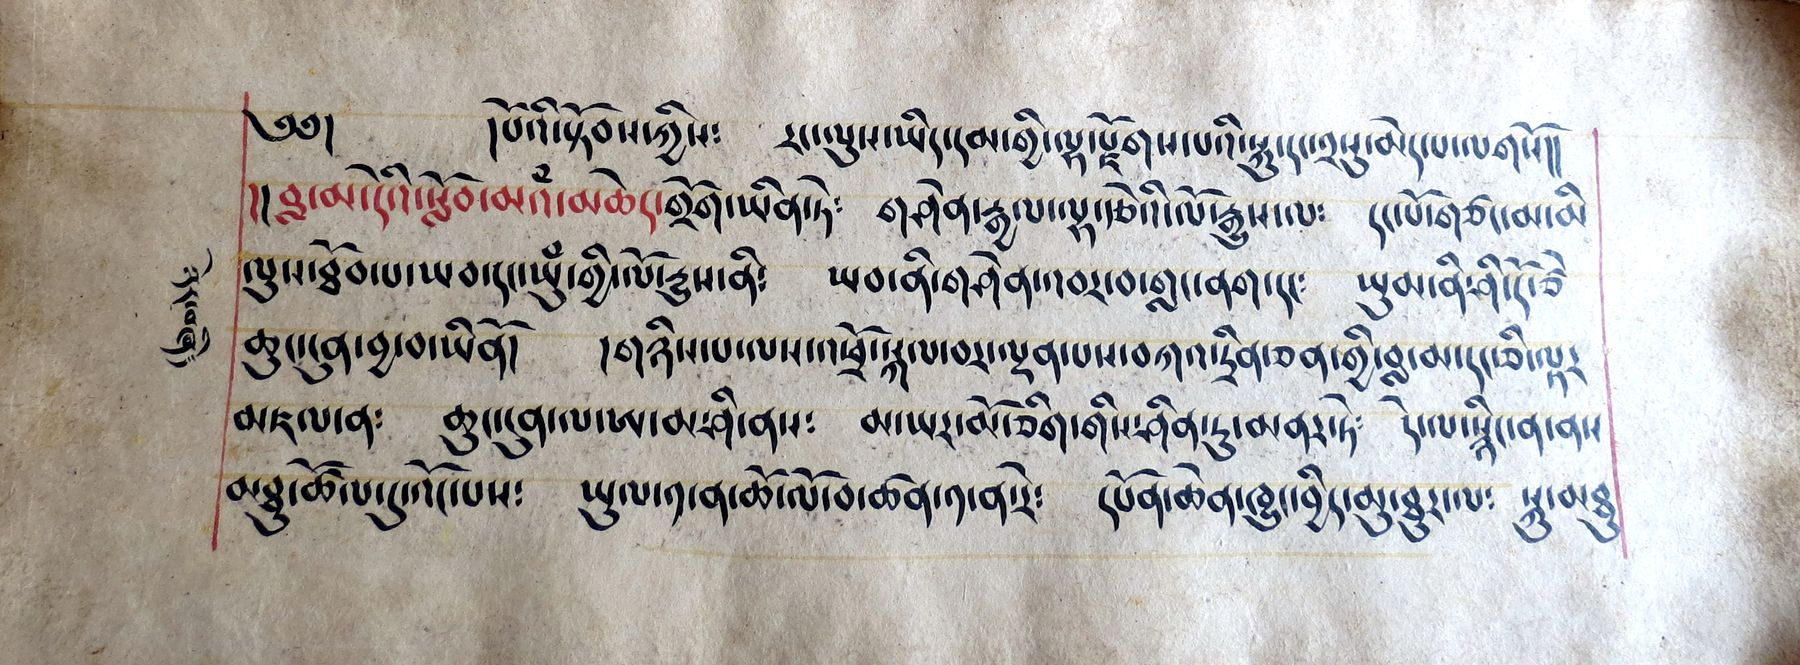པོའི་སྟོབས་ཀྱིས། རང་ལུས་ཡི་དམ་གྱི་ལྷ་རྫོགས་པའི་སྐུ་དང་གཉིས་སུ་མེད་དོ། 
།།བླ་མ་དེ་ཡི་སློབ་མའམ་མཆེད་གྲོགས་ཡིན་ཏེ། གཤེན་རྒྱལ་ལྷ་རྩེའི་ལོ་རྒྱུས་ལ་ལྔ། དང་པོ་གཙང་མ་མི་
ལུས་ཐོབ་པ་ཡབ་དང་ཡུམ་གྱི་ལོ་རྒྱུས་ནི། ཡབ་ནི་གཤེན་འབར་བ་གླང་ནག་དང་། ཡུམ་ནི་ཤི་དོ་ཙེ་
ཆུང་ངུན་བྱ་བ་ཡིན་ནོ། །གཉིས་པ་ལས་འཕྲོ་དང་སྐལ་པར་ལྡན་པ་ནི། བཀའ་དྲིན་ཅན་གྱི་བླ་མ་དང་ཅི་ལྟར་
མཇལ་ན། ཆུང་ངུན་ནས་ཨ་མ་ཤི་ནས། མ་ཡར་མོ་གཅིག་གིས་ཤིན་ཏུ་མནར་ཏེ། དེ་ལ་ཤིན་ཏུ་སྙིང་ན་ནས། 
མཐུ་ཚོལ་དུ་འོང་བས། ཡུལ་ཅིག་ན་ཆོ་ལོ་བ་ཚན་ཅིག་ན་རེ། ཆོལ་སྔགས་སུ་དཔོན་ཆེན་ཁྱུང་བྱིད་མུ་ཐུར་ལ། སྐུ་མཐུ་